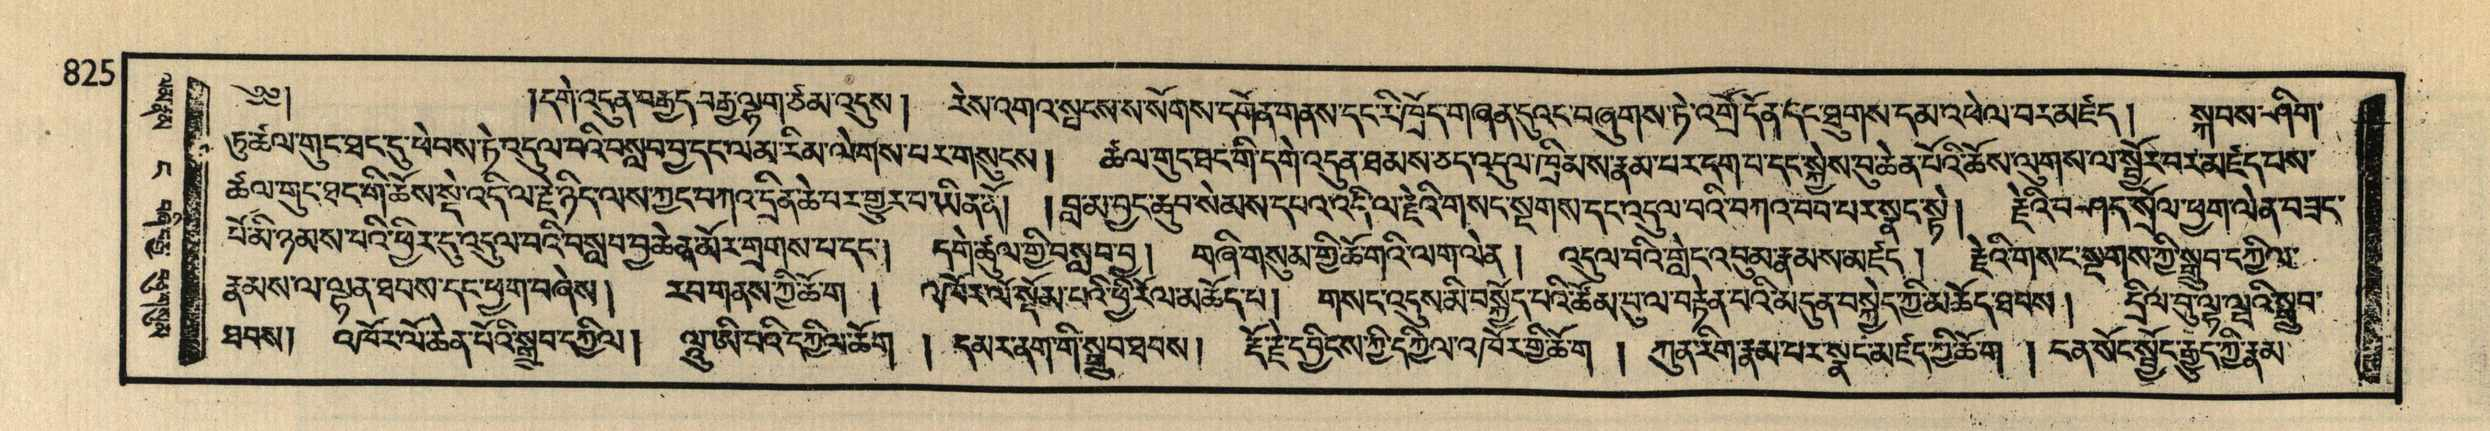༄༅། །དགེ་འདུན་བརྒྱད་བརྒྱ་ལྷག་ཙམ་འདུས། རེས་འགའ་སྤངས་ས་སོགས་དགོན་གནས་དང་རི་ཁྲོད་གཞན་དུའང་བཞུགས་ཏེ་འགྲོ་དོན་དང་ཐུགས་དམ་འཕེལ་བར་མཛད། སྐབས་ཤིག་
ཏུ་ཚལ་གུང་ཐང་དུ་ཕེབས་ཏེ་འདུལ་བའི་བསླབ་བྱ་དང་ལམ་རིམ་ལེགས་པར་གསུངས། ཚལ་གུང་ཐང་གི་དགེ་འདུན་ཐམས་ཅད་འདུལ་ཁྲིམས་རྣམ་པར་དག་པ་དང་སྐྱེས་བུ་ཆེན་པོའི་ཆོས་ལུགས་ལ་སྦྱོར་བར་མཛད་པས་
ཚལ་གུང་ཐང་གི་ཆོས་སྡེ་འདི་ལ་རྗེ་ཉིད་ལས་ཀྱང་བཀའ་དྲིན་ཆེ་བར་གྱུར་པ་ཡིན་ནོ། །བླ་མ་བྱང་ཆུབ་སེམས་དཔའ་འདི་ལ་རྗེའི་གསང་སྔགས་དང་འདུལ་བའི་བཀའ་བབ་པར་སྣང་སྟེ། རྗེའི་བཤད་སྲོལ་ཕྱག་ལེན་བཟང་
པོ་མི་ཉམས་པའི་ཕྱིར་དུ་འདུལ་བའི་བསླབ་བྱ་ཆེན་མོར་གྲགས་པ་དང་། དགེ་ཚུལ་གྱི་བསླབ་བྱ། གཞི་གསུམ་གྱི་ཆོ་གའི་ལག་ལེན། འདུལ་བའི་གླེང་འབུམ་རྣམས་མཛད། རྗེའི་གསང་སྔགས་ཀྱི་སྒྲུབ་དཀྱིལ་
རྣམས་ལ་ལྷན་ཐབས་དང་ཕྱག་བཞེས། རབ་གནས་ཀྱི་ཆོ་ག །འཁོར་ལོ་སྡོམ་པའི་ཕྱི་རོལ་མཆོད་པ། གསང་འདུས་མི་བསྐྱོད་པའི་ཚོམ་བུ་ལ་བརྟེན་པའི་མདུན་བསྐྱེད་ཀྱི་མཆོད་ཐབས། དྲིལ་བུ་ལྷ་ལྔའི་སྒྲུབ་
ཐབས། འཁོར་ལོ་ཆེན་པོའི་སྒྲུབ་དཀྱིལ། ལཱུ་ཨི་བའི་དཀྱིལ་ཆོག །དམར་ནག་གི་སྒྲུབ་ཐབས། རྡོ་རྗེ་དབྱིངས་ཀྱི་དཀྱིལ་འཁོར་གྱི་ཆོ་ག། ཀུན་རིག་རྣམ་པར་སྣང་མཛད་ཀྱི་ཆོ་ག །ངན་སོང་སྦྱོང་རྒྱུད་ཀྱི་རྣམ་